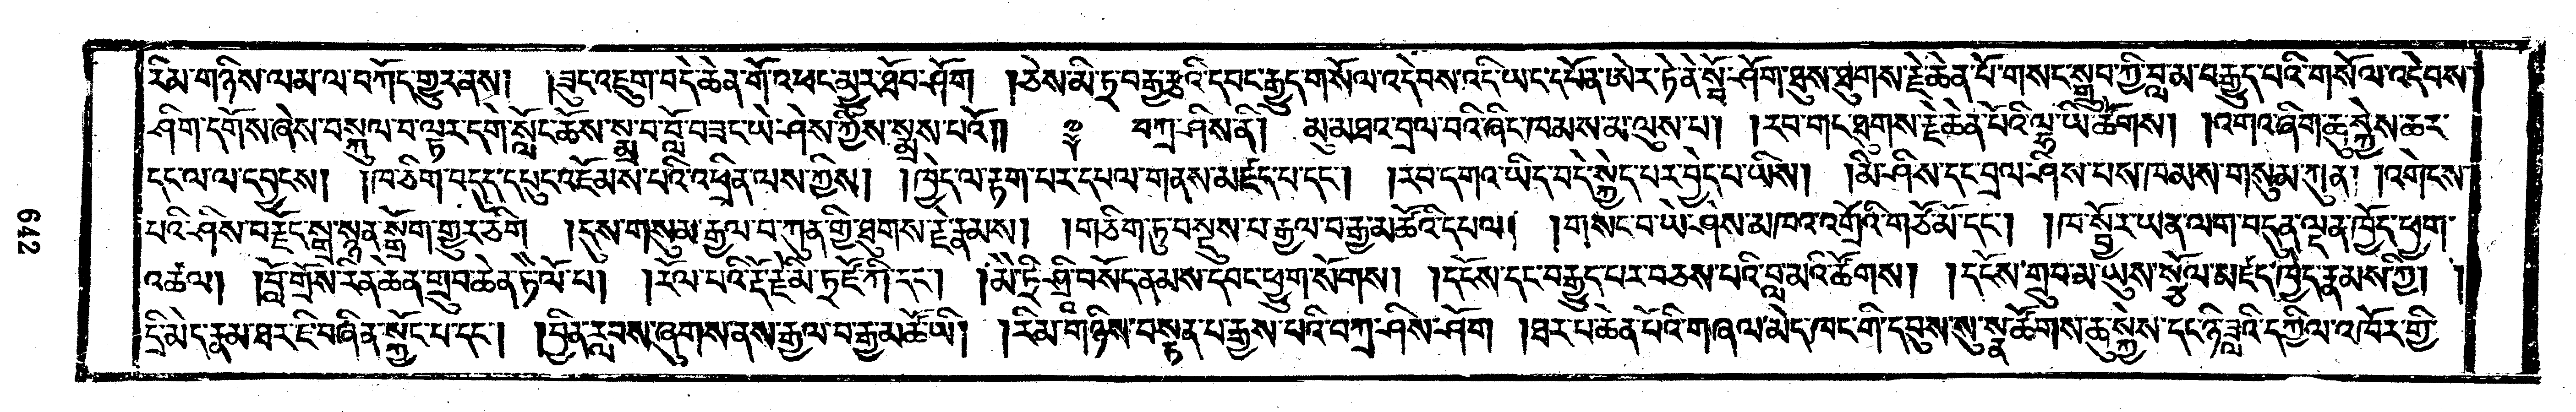རིམ་གཉིས་ལམ་ལ་བཀོད་གྱུར་ནས། །ཟུང་འཇུག་བདེ་ཆེན་གོ་འཕང་མྱུར་ཐོབ་ཤོག །ཅེས་མི་ཏྲ་བརྒྱ་རྩའི་དབང་རྒྱུད་གསོལ་འདེབས་འདི་ཡང་དཔོན་ཨེར་ཏེ་ནེ་སྦོ་ཤོག་ཐུགས་ཐུགས་རྗེ་ཆེན་པོ་གསང་སྒྲུབ་ཀྱི་བླ་མ་བརྒྱུད་པའི་གསོལ་འདེབས་
ཤིག་དགོས་ཞེས་བསྐུལ་བ་ལྟར་དགེ་སློང་ཆོས་སྨྲ་བ་བློ་བཟང་ཡེ་ཤེས་ཀྱིས་སྨྲས་པའོ།། ༈།བཀྲ་ཤིས་ནི། མུ་མཐའ་བྲལ་བའི་ཤིང་ཁམས་མ་ལུས་པ། །རབ་གང་ཐུགས་རྗེ་ཆེན་པོའི་ལྷ་ཡི་ཚོགས། །འགའ་ཞིག་ཆུ་སྐྱེས་ཆར་
དང་ལ་ལ་དབྱངས། །ཁ་ཅིག་བདུད་དཔུང་འཇོམས་པའི་འཕྲིན་ལས་ཀྱིས། །ཁྱེད་ལ་རྟག་པར་དཔལ་གནས་མཛད་པ་དང་། །རབ་དགའ་ཡིད་བདེ་སྐྱེད་པར་བྱེད་པ་ཡིས། །མི་ཤིས་དང་བྲལ་ཤིས་པས་ཁམས་གསུམ་ཀུན། །འགེངས་
པའི་ཤིས་བརྗོད་སྒྲ་སྙན་སྒྲོག་གྱུར་ཅིག །དུས་གསུམ་རྒྱལ་བ་ཀུན་གྱི་ཐུགས་རྗེ་རྣམས། །གཅིག་ཏུ་བསྡུས་པ་རྒྱལ་བ་རྒྱ་མཚོའི་དཔལ། །གསང་བ་ཡེ་ཤེས་མཁའ་འགྲོའི་གཙོ་མོ་དང་། །ཁ་སྦྱོར་ཡན་ལག་བདུན་ལྡན་ཁྱོད་ཕྱག་
འཚལ། །བློ་གྲོས་རིན་ཆེན་གྲུབ་ཆེན་ཏཻ་ལོ་པ། །རོལ་པའི་རྡོ་རྗེ་མི་ཏྲ་ཛོ་ཀི་དང་། །མཻ་ཏྲི་ཥྲཱི་བསོད་ནམས་དབང་ཕྱུག་སོགས། །དངོས་དང་བརྒྱུད་པར་བཅས་པའི་བླ་མའི་ཚོགས། །དངོས་གྲུབ་མ་ཡུས་སྩོལ་མཛད་ཁྱེད་རྣམས་ཀྱི།།
དྲི་མེད་རྣམ་ཐར་ཇི་བཞིན་སྐྱོང་པ་དང་། །བྱིན་རླབས་ཞུགས་ནས་རྒྱལ་བ་རྒྱ་མཚོ་ཡི། །རིམ་གཉིས་བསྟན་པ་རྒྱས་པའི་བཀྲ་ཤིས་ཤོག །ཐར་པ་ཆེན་པོའི་གཞལ་མེད་ཁང་གི་དབུས་སུ་སྣ་ཚོགས་ཆུ་སྐྱེས་དང་ཉི་ཟླའི་དཀྱིལ་འཁོར་གྱི་